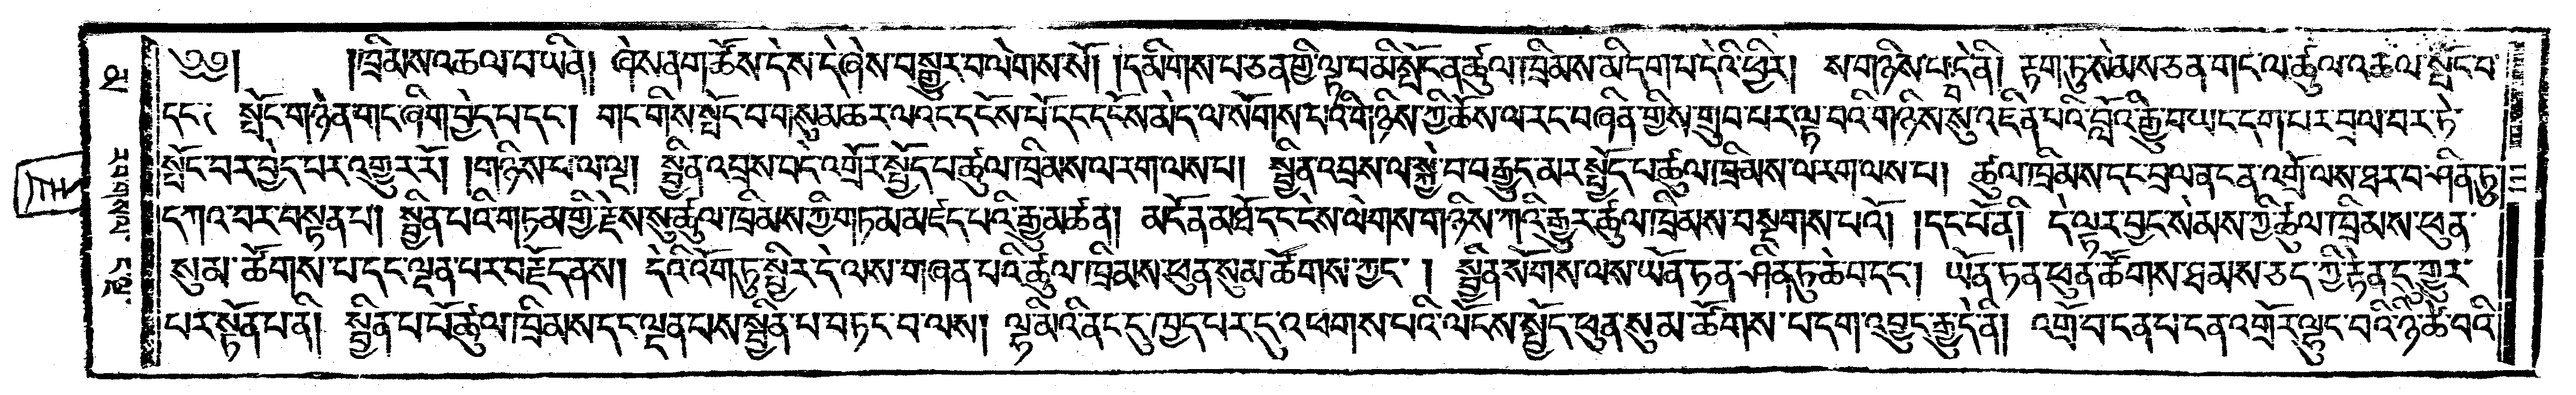༄༅། །ཁྲིམས་འཆལ་བ་ཡིན། ཞེས་ནག་ཚོས་དེས་དེ་ཞེས་བསྒྱུར་བ་ལེགས་སོ། །དམིགས་པ་ཅན་གྱི་ལྟ་བ་མི་སྤོང་ན་ཚུལ་ཁྲིམས་མི་དག་པ་དེའི་ཕྱིར། ས་གཉིས་པ་བ་དེ་ནི། རྟག་ཏུ་སེམས་ཅན་གང་ལ་ཚུལ་འཆལ་སྤོང་བ་
དང༑ སྤོང་གཉེན་གང་ཞིག་བྱེད་པ་དང་། གང་གིས་སྤོང་བ་གསུམ་ཆར་ལའང་དངོས་པོ་དང་དངོས་མེད་ལ་སོགས་པའི་གཉིས་ཀྱི་ཆོས་ལ་རང་བཞིན་གྱིས་གྲུབ་པར་ལྟ་བའི་གཉིས་སུ་འཛིན་པའི་བློའི་རྒྱུ་བ་ཡང་དག་པར་བྲལ་བར་ཏེ་
སྤོང་བར་བྱེད་པར་འགྱུར་རོ། །གཉིས་པ་ལ་ལྔ། སྦྱིན་འབྲས་བདེ་འགྲོར་སྤྱོད་པ་ཚུལ་ཁྲིམས་ལ་རག་ལས་པ། སྦྱིན་འབྲས་ལ་སྐྱེ་བ་བརྒྱུད་མར་སྤྱོད་པ་ཚུལ་ཁྲིམས་ལ་རག་ལས་པ། ཚུལ་ཁྲིམས་དང་བྲལ་ན་ངན་འགྲོ་ལས་ཐར་པ་ཤིན་ཏུ་
དཀའ་བར་བསྟན་པ། སྦྱིན་པའི་གཏམ་གྱི་རྗེས་སུ་ཚུལ་ཁྲིམས་ཀྱི་གཏམ་མཛད་པའི་རྒྱུ་མཚན། མངོན་མཐོ་དང་ངེས་ལེགས་གཉིས་ཀའི་རྒྱུར་ཚུལ་ཁྲིམས་བསྔགས་པའོ། །དང་པོ་ནི། དེ་ལྟར་བྱང་སེམས་ཀྱི་ཚུལ་ཁྲིམས་ཕུན་
སུམ་ཚོགས་པ་དང་ལྡན་པར་བརྗོད་ནས། དེའི་འོག་ཏུ་སྤྱིར་དེ་ལས་གཞན་པའི་ཚུལ་ཁྲིམས་ཕུན་སུམ་ཚོགས་ཀྱང་། སྦྱིན་སོགས་ལས་ཡོན་ཏན་ཤིན་ཏུ་ཆེ་བ་དང་། ཡོན་ཏན་ཕུན་ཚོགས་ཐམས་ཅད་ཀྱི་རྟེན་དུ་གྱུར་
པར་སྟོན་པ་ནི། སྦྱིན་པ་པོ་ཚུལ་ཁྲིམས་དང་ལྡན་པས་སྦྱིན་པ་བཏང་བ་ལས། ལྷ་མིའི་ནང་དུ་ཁྱད་པར་དུ་འཕགས་པའི་ལོངས་སྤྱོད་ཕུན་སུམ་ཚོགས་པ་དག་འབྱུང་རྒྱུ་དེ་ནི། འགྲོ་བ་ངན་པ་ངན་འགྲོར་ལྷུང་བའི་ཉི་ཚེ་བའི་